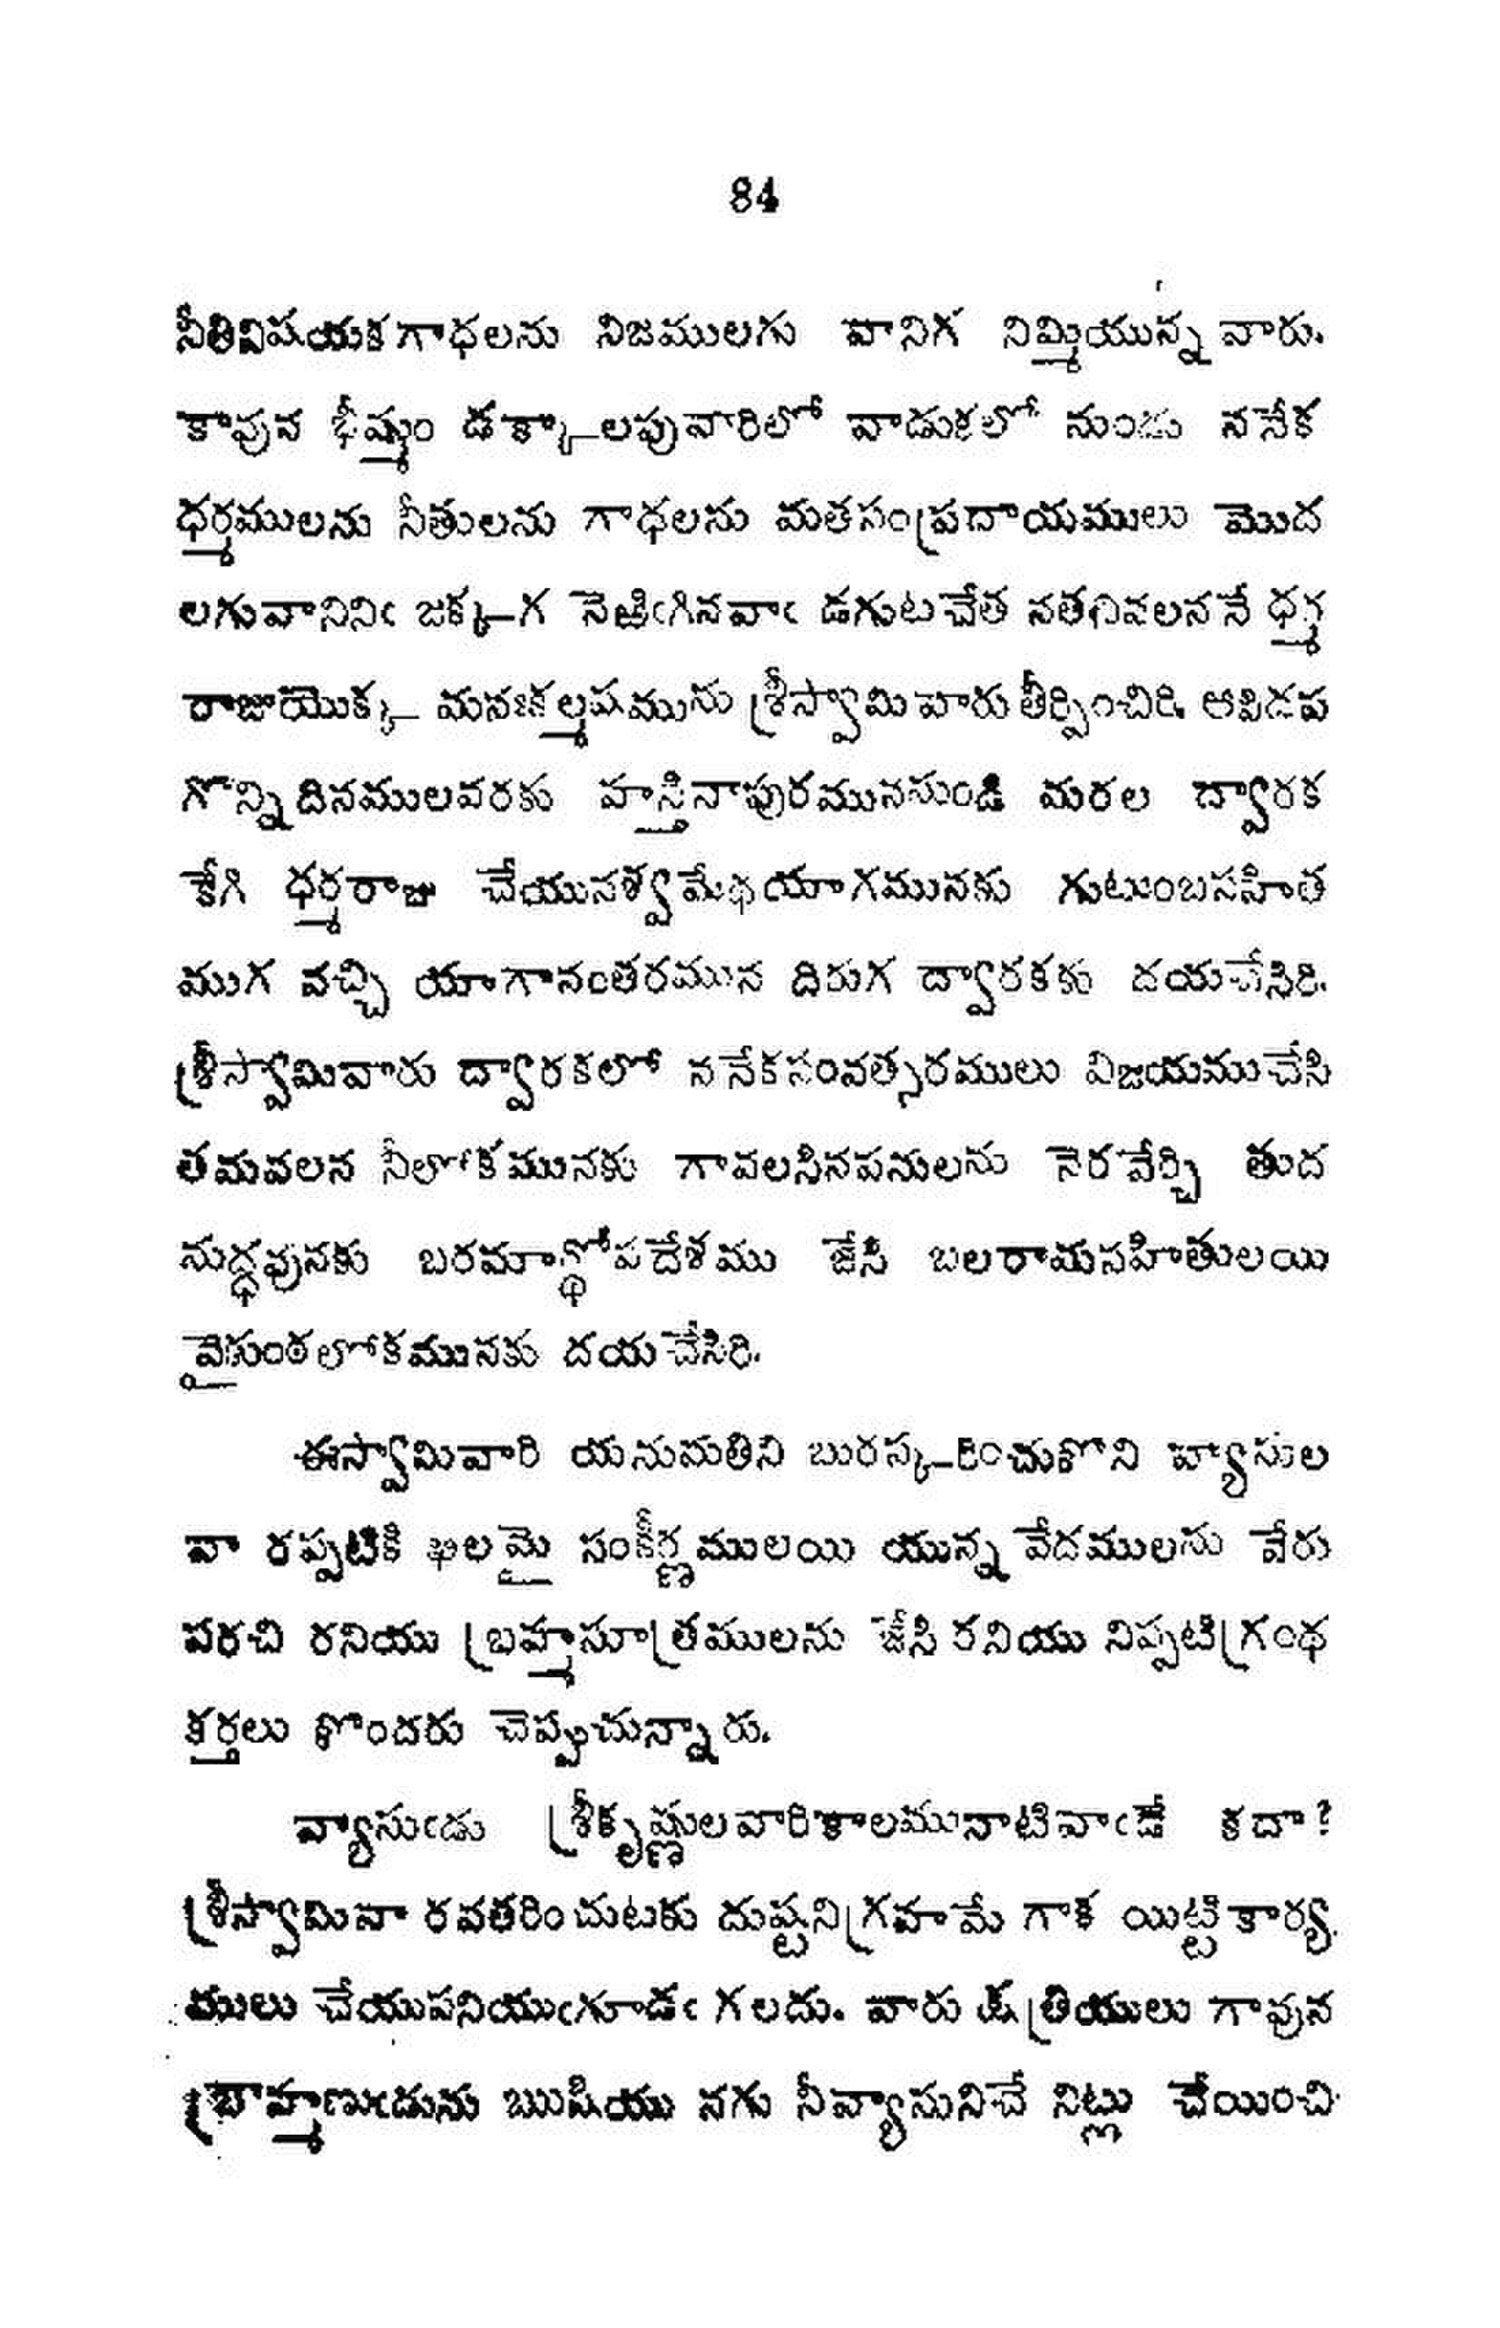నీతివిషయకగాధలను నిజములగు వానిగ నమ్మియున్నవారు. కావున భీష్ముం డక్కాలపువారిలో వాడుకలో నుండు ననేక ధర్మములను నీతులను గాధలను మతసంప్రదాయములు మొదలగువానినిఁ జక్కగ నేఱిఁగినవాఁ డగుటచేత నతనివలననే ధర్మరాజుయొక్క మనఃకల్మషమును శ్రీస్వామివారు తీర్పించిరి. ఆపిదప గొన్నిదినములవరకు హస్తినాపురముననుండి మరల ద్వారక కేగి ధర్మరాజు చేయునశ్వమేధయాగమునకు గుటుంబసహితముగ వచ్చి యాగానంతరమున దిరుగ ద్వారకకు దయచేసిరి. శ్రీస్వామివారు ద్వారకలో ననేకసంవత్సరములు విజయముచేసి తమవలన నీలోకమునకు గావలసినపనులను నెరవేర్చి తుద నుధ్ధవునకు బరమార్థోపదేశము జేసి బలరామసహితులయి వైకుంఠలోకమునకు దయచేసిరి.

ఈస్వామివారి యనుమతిని బురస్కరించుకొని వ్యాసులవా రప్పటికి ఖలమై సంకీర్ణములయి యున్న వేదములను వేరు పరచి రనియు బ్రహ్మసూత్రములను జేసి రనియు నిప్పటిగ్రంథకర్తలు కొందరు చెప్పుచున్నారు.

వ్యాసుఁడు శ్రీకృష్ణులవారికాలమునాటివాఁడే కదా? శ్రీస్వామివా రవతరించుటకు దుష్టనిగ్రహమే గాక యిట్టి కార్యములు చేయుపనియుఁగూడఁ గలదు. వారు క్షత్రియులు గావున బ్రాహ్మణుడును ఋషియు నగు నీవ్యాసునిచే నిట్లు చేయించి